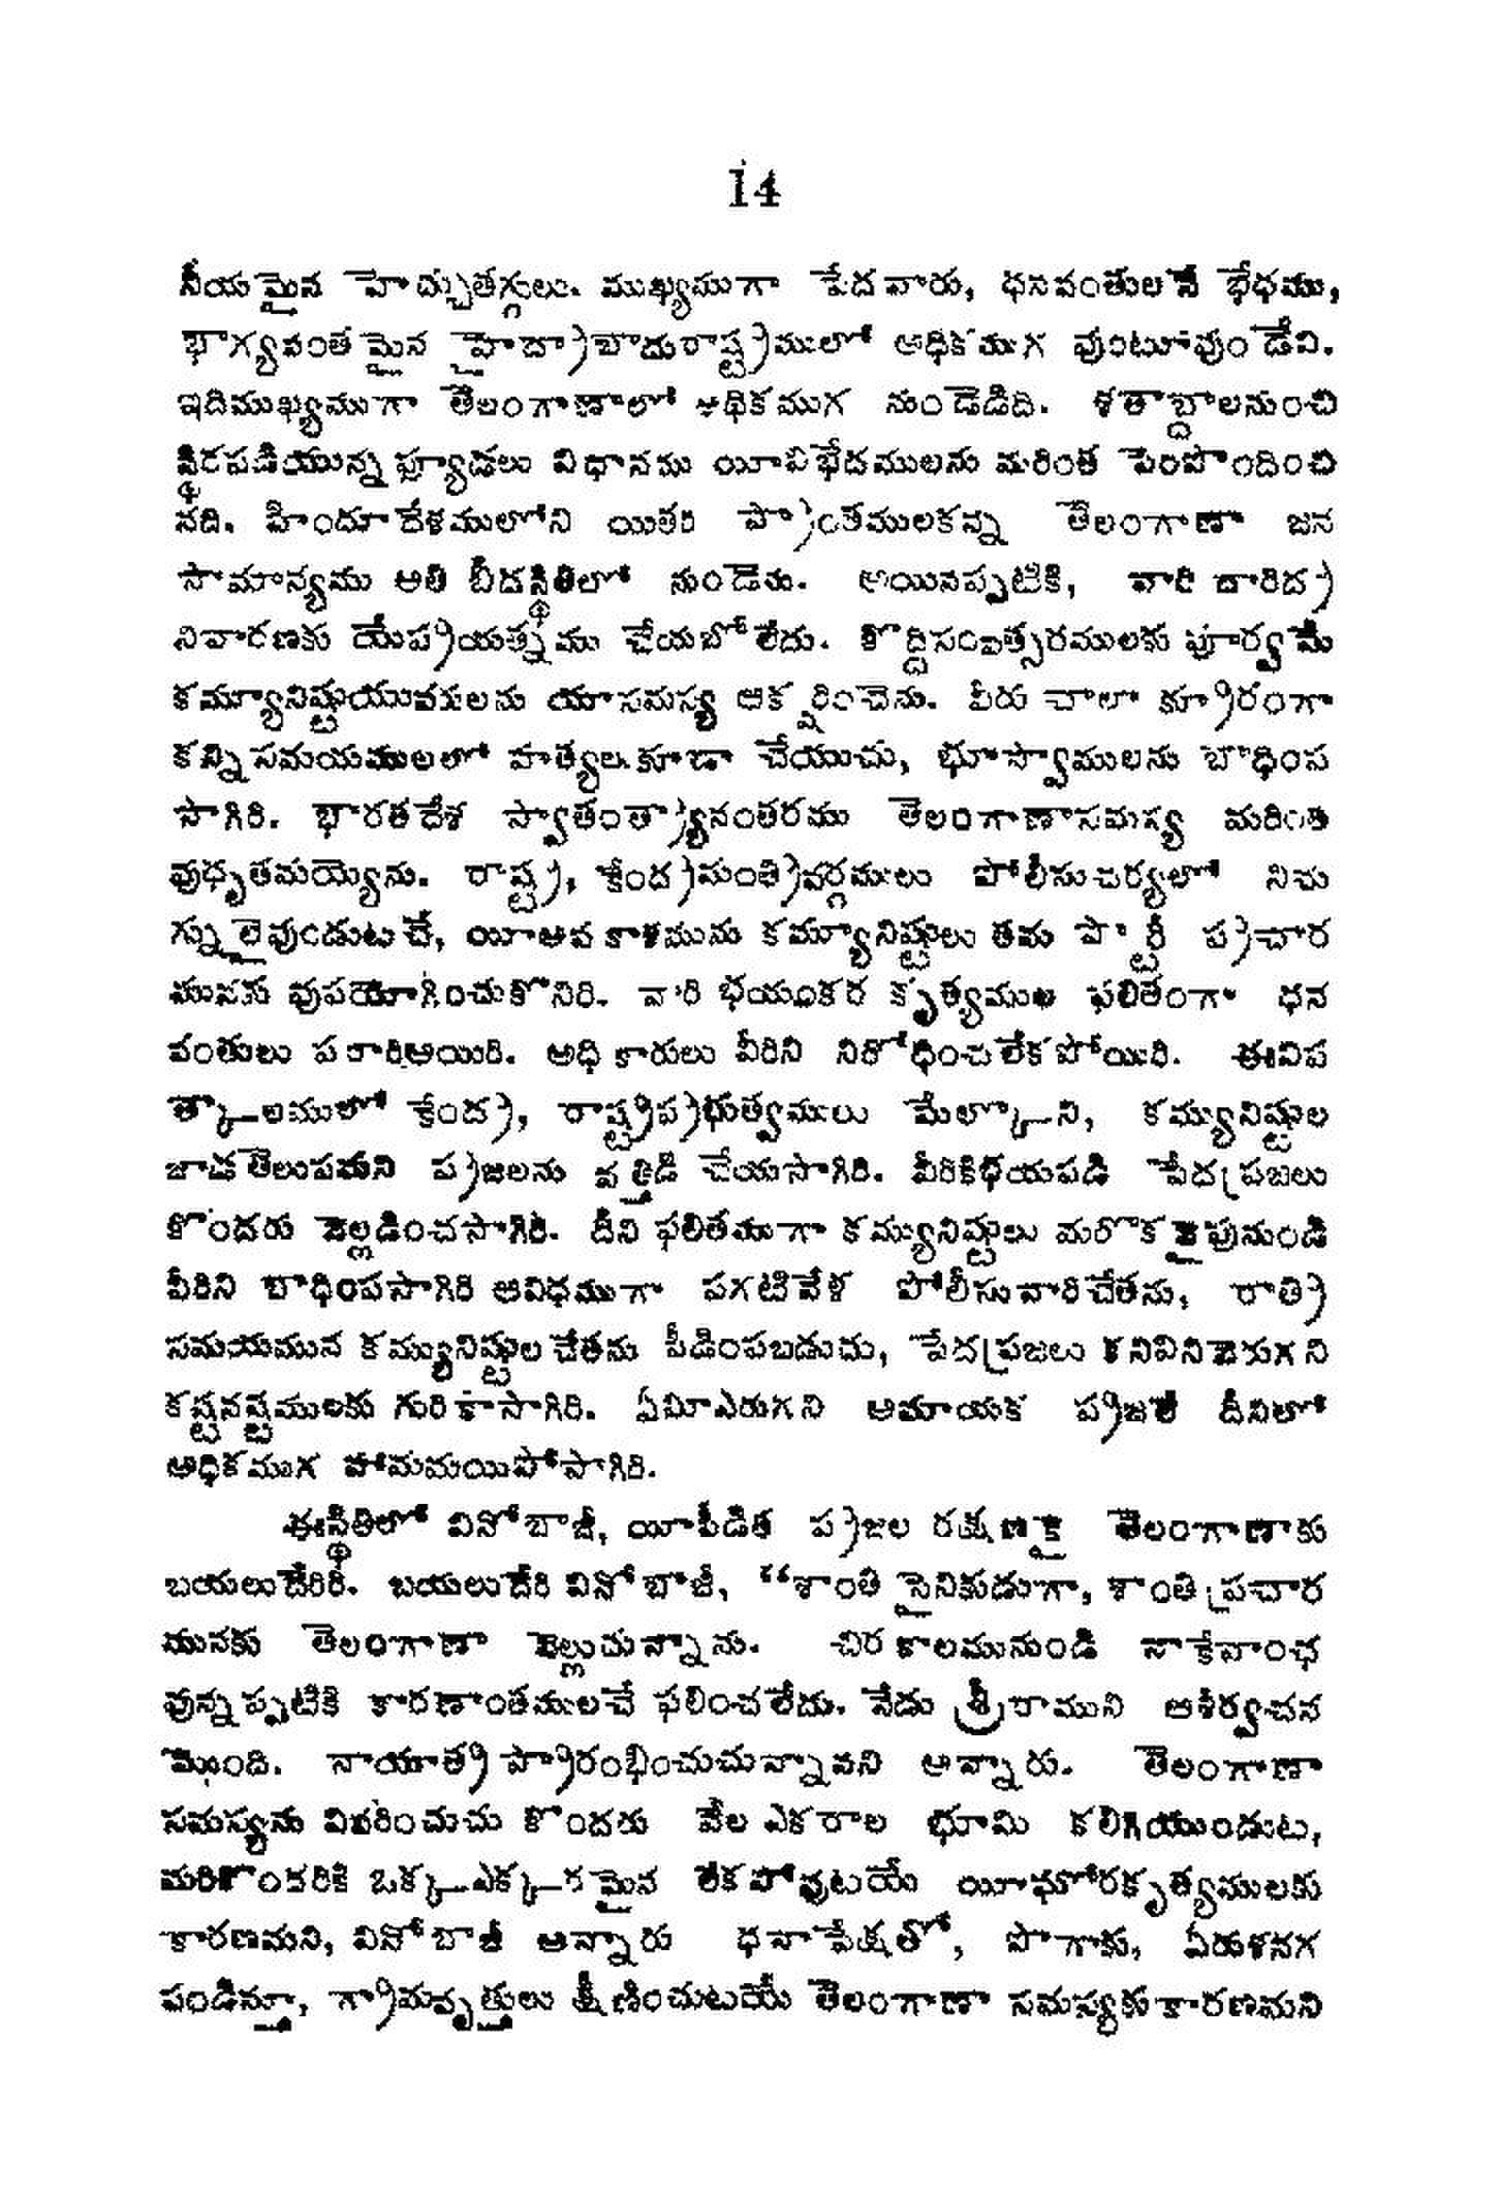నీయమైన హెచ్చుతగ్గులు, ముఖ్యముగా పేదవారు, ధనవంతులనే భేధము,
భాగ్యవంతమైన హైద్రాబాదురాష్ట్రములో అధికముగ వుంటూవుండేవి. ఇదిముఖ్యముగా తెలంగాణాలో అథికముగ నుండెడిది. శతాబ్దాలనుంచి స్థిరపడియున్న ఫ్యూడలు విధానము యీవిభేదములను మరింత పెంపొందించినది. హిందూదేశములోని యితర ప్రాంతములకన్న తెలంగాణా జన సామాన్యము అతి బీదస్థితిలో నుండెను. అయినప్పటికి, వారి దారిద్ర నివారణకు యేప్రయత్నము చేయబోలేదు. కొద్దిసంవత్సరములకు పూర్వమే కమ్యూనిష్టుయువరులను యాసమస్య ఆకర్షించెను. వీరు చాలా క్రూరంగా కన్నిసమయములలో హత్యలు కూడా చేయుచు, భూస్వాములను బాధింప సాగిరి. భారతదేశ స్వాతంత్ర్యానంతరము తెలంగాణాసమస్య మరింత వుధృతమయ్యెను. రాష్ట్ర, కేంద్రమంత్రివర్గములు పోలీసుచర్యలో నిమగ్నులైవుండుటచే, యీఅవకాశమును కమ్యూనిష్టులు తమ పార్టీ ప్రచారమునకు వుపయోగించుకొనిరి. వారి భయంకర కృత్యముల ఫలితంగా ధన వంతులు పరారిఅయిరి. అధి కారులు వీరిని నిరోధించలేకపోయిరి. ఈవిపత్కాలములో కేంద), రాష్ట్రప్రభుత్వములు మేల్కొని, కమ్యునిష్టుల జాడతెలుపమని ప్రజలను వత్తిడి చేయసాగిరి. వీరికిభయపడి పేదప్రజలు కొందరు వెల్లడించసాగిరి. దీని ఫలితముగా కమ్యునిష్టులు మరొకవైపునుండి వీరిని బాధింపసాగిరి ఆవిధముగా పగటివేళ పోలీసువారిచేతను, రాత్రి సమయమున కమ్యునిష్టుల చేతను పీడింపబడుచు, పేదప్రజలు కనివినివెరుగని కష్టనష్టములకు గురికాసాగిరి. ఏమీఎరుగని అమాయక ప్రజలే దీనిలో అధికముగ హామమయిపోసాగిరి.

ఈస్థితిలో వినోబాజీ, యీపీడిత ప్రజల రక్షణకై తెలంగాణాకు బయలుదేరిరి. బయలుదేరి వినోబాజీ, "శాంతి సైనికుడుగా, శాంతిప్రచారమునకు తెలంగాణా వెల్లుచున్నాను. చిరకాలమునుండి నాకేవాంఛ వున్నప్పటికి కారణాంతములచే ఫలించలేదు. నేడు శ్రీరాముని ఆశీర్వచన మొంది. నాయాత్ర ప్రారంభించుచున్నానని అన్నారు. తెలంగాణా సమస్యను వివరించుచు కొందరు వేల ఎకరాల భూమి కలిగియుండుట, మరికొందరికీ ఒక్కఎక్కరమైన లేకపోవుటయే యీఘోరకృత్యములకు కారణమని, వినోబాజీ అన్నారు. ధనాపేక్షతో, పొగాకు, ఏరుశనగ పండిస్తూ, గ్రామవృత్తులు క్షీణించుటయే తెలంగాణా సమస్యకు కారణమని